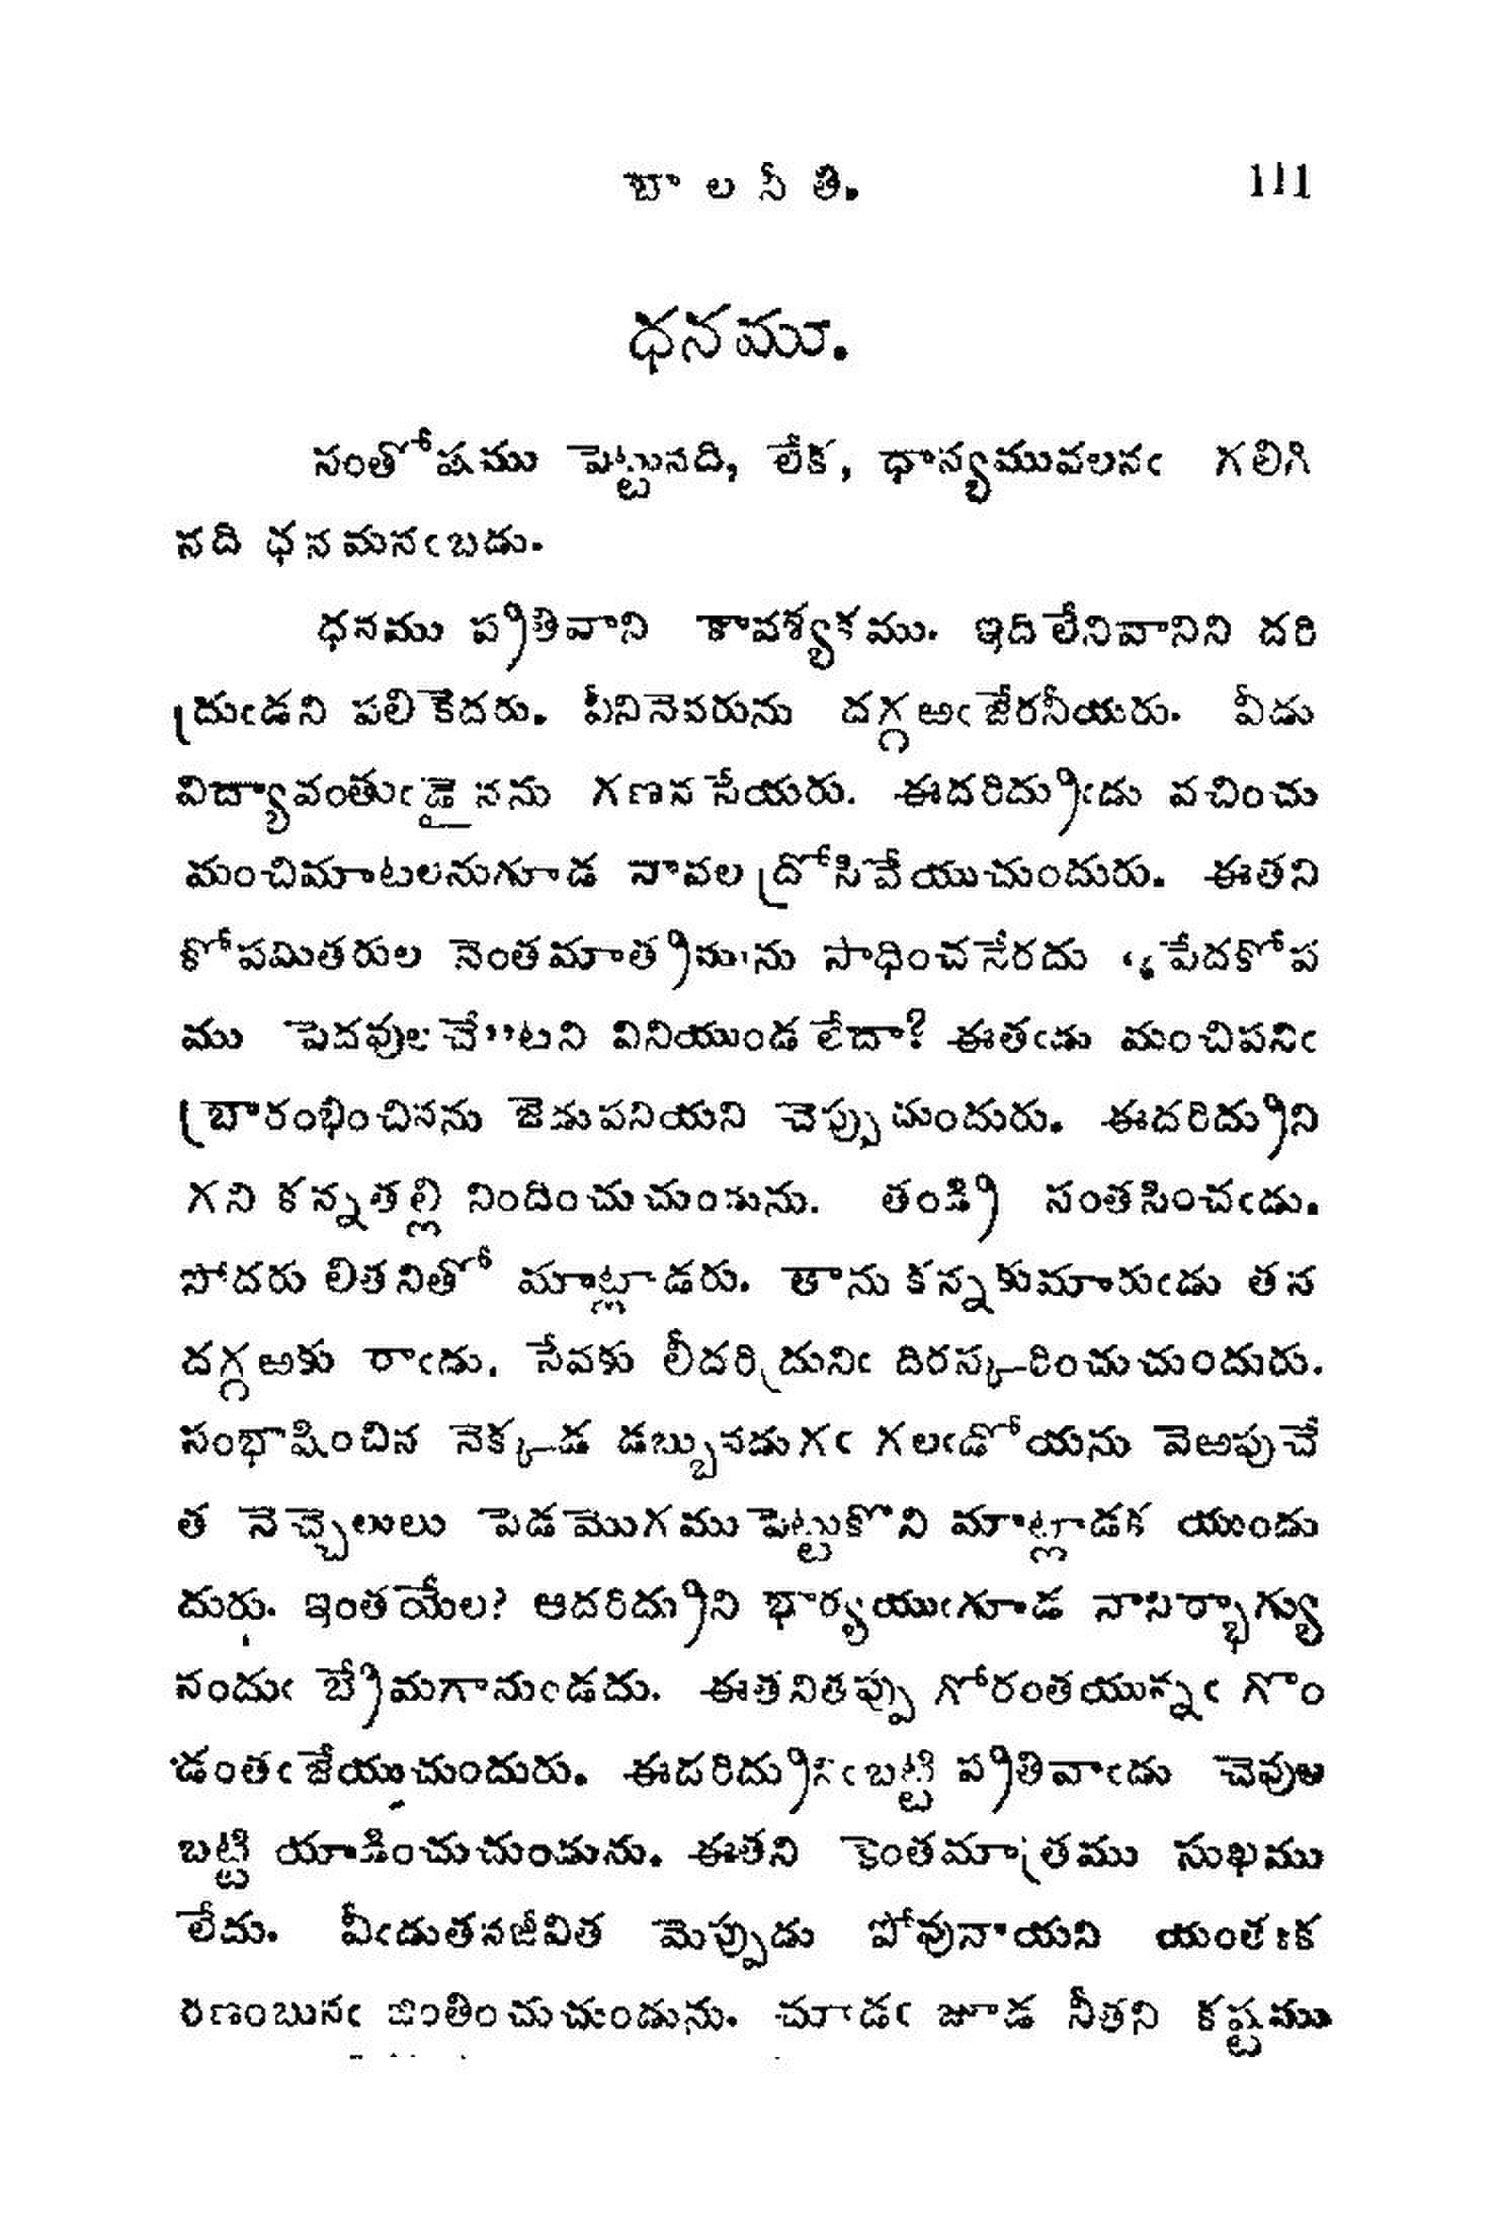ధనము.

సంతోషము పెట్టునది, లేక, ధాన్యమువలనఁ గలిగి 
నది ధనమనఁబడు.

ధనము ప్రతివాని కావశ్యకము. ఇదిలేనివానిని దరి
ద్రుఁడని పలికెదరు. వీనినెవరును దగ్గఱఁజేరనీయరు. వీడు 
విద్యావంతుఁడైనను గణనసేయరు. ఈదరిద్రుఁడు వచించు 
మంచిమాటలనుగూడ నావల ద్రోసివేయుచుందురు. ఈతని 
కోపమితరుల నెంతమాత్రమును సాధించనేరదు. "పేదకోప
ము పెదవులచే"టని వినియుండలేదా? ఈతఁడు మంచిపనిఁ 
బ్రారంభించినను జెడుపనియని చెప్పుచుందురు. ఈదరిద్రుని 
గని కన్నతల్లి నిందించుచుండును. తండ్రి సంతసించఁడు. 
సోదరు లితనితో మాట్లాడరు. తాను కన్నకుమారుఁడు తన 
దగ్గఱకు రాఁడు. సేవకు లీదరిద్రునిఁ దిరస్కరించుచుందురు. 
సంభాషించిన నెక్కడ డబ్బునడుగఁ గలఁడోయను వెఱపుచే
త నెచ్చెలులు పెడమొగముపెట్టుకొని మాట్లాడక యుండు
దురు. ఇంతయేల? ఆదరిద్రుని భార్యయుఁగూడ నానిర్భాగ్యు
నందుఁ బ్రేమగానుండదు. ఈతనితప్పు గోరంతయున్నఁ గొం
డంతఁజేయుచుందురు. ఈదరిద్రునిఁబట్టి బ్రతివాఁడు చెవు
లబట్టి యాడించుచుండును. ఈతని కెంతమాత్రము సుఖము
లేదు. వీఁడుతనజీవిత మెప్పుడు పోవునాయని యంతఃక
రణంబునఁ జింతించుచుండును. చూడఁ జూడ నీతని కష్టము